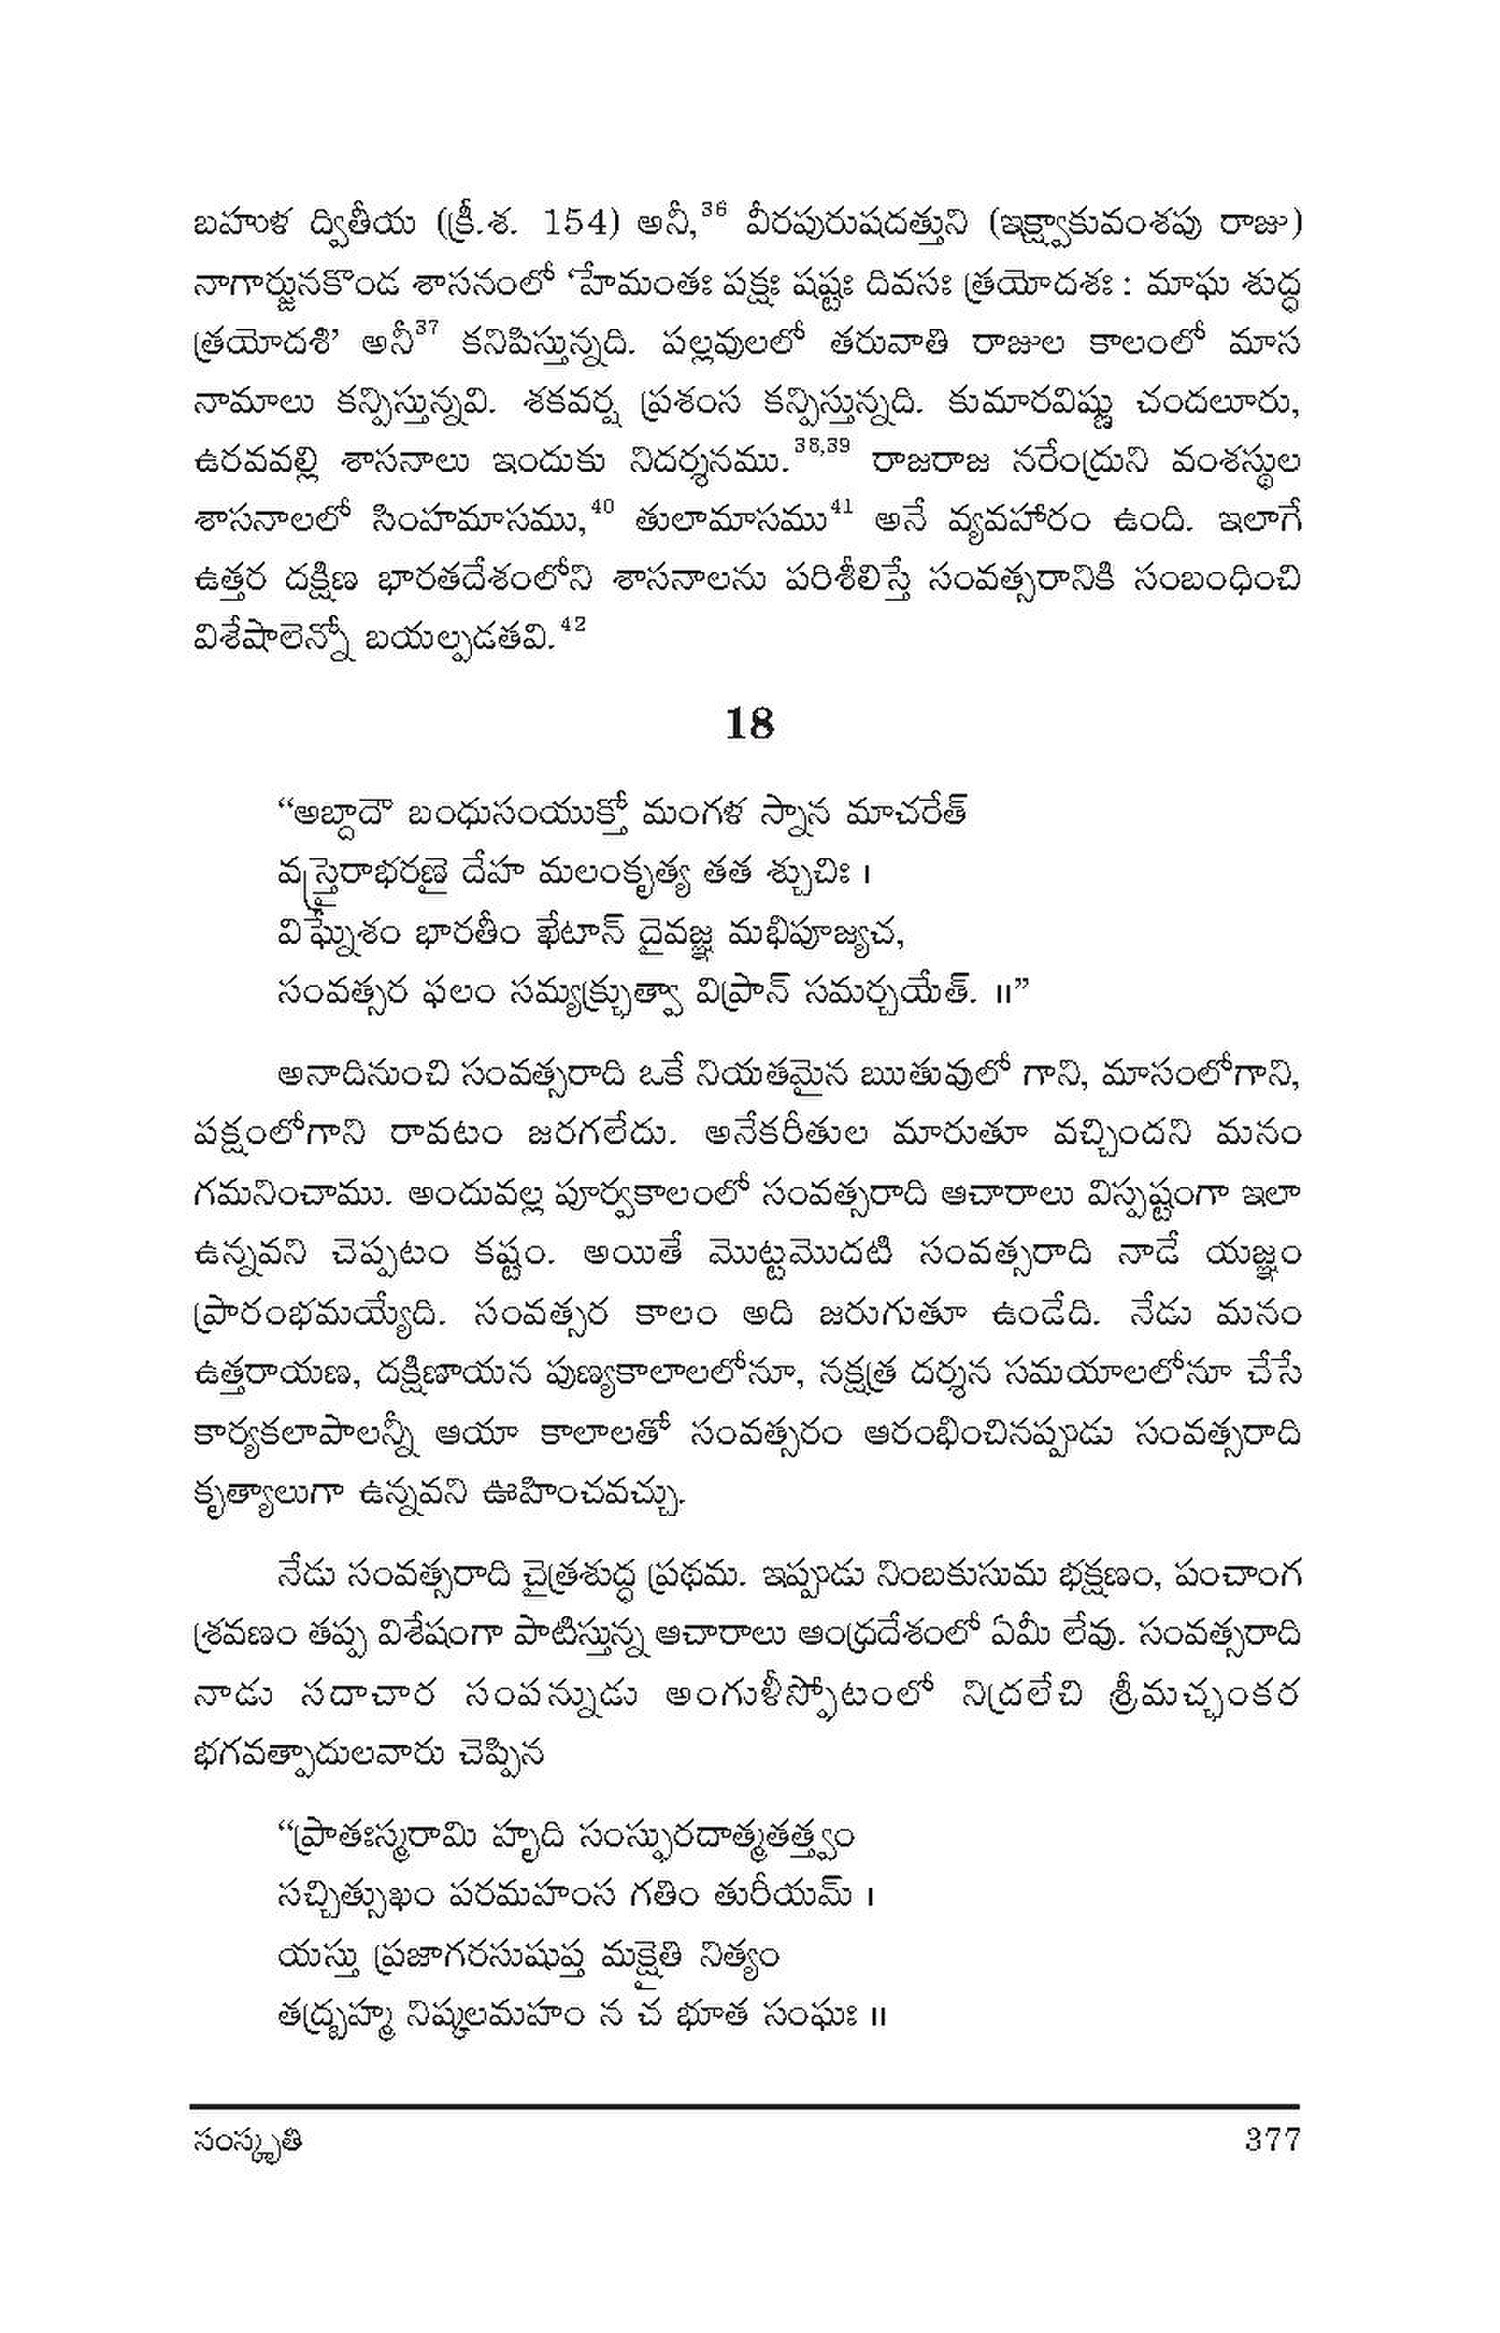బహుళ ద్వితీయ (క్రీ.శ. 154) అనీ, " వీరపురుషదత్తుని (ఇక్ష్వాకువంశపు రాజు)
నాగార్జునకొండ శాసనంలో 'హేమంతః పక్షః షష్టః దివసః త్రయోదశః : మాఘ శుద్ధ
త్రయోదశి' అనీ కనిపిస్తున్నది. పల్లవులలో తరువాతి రాజుల కాలంలో మాస
నామాలు కన్పిస్తున్నవి. శకవర్ష ప్రశంస కన్పిస్తున్నది. కుమారవిష్ణు చందలూరు,
ఉరవవల్లి శాసనాలు ఇందుకు నిదర్శనము. రాజరాజ నరేంద్రుని వంశస్థుల
శాసనాలలో సింహమాసము, తులామాసము " అనే వ్యవహారం ఉంది. ఇలాగే
ఉత్తర దక్షిణ భారతదేశంలోని శాసనాలను పరిశీలిస్తే సంవత్సరానికి సంబంధించి
విశేషాలెన్నో బయల్పడతవి. 

“అబ్దాదౌ బంధుసంయుక్తో మంగళ స్నాన మాచరేత్
వస్త్రైరాభరణై దేహ మలంకృత్య తత శుచిః ।
విఘ్నేశం భారతీం ఖేటాన్ దైవజ్ఞ మభిపూజ్యచ,
సంవత్సర ఫలం సమ్యక్రుత్వా విప్రాన్ సమర్చయేత్. ||"

అనాదినుంచి సంవత్సరాది ఒకే నియతమైన ఋతువులో గాని, మాసంలోగాని,
పక్షంలోగాని రావటం జరగలేదు. అనేకరీతుల మారుతూ వచ్చిందని మనం
గమనించాము. అందువల్ల పూర్వకాలంలో సంవత్సరాది ఆచారాలు విస్పష్టంగా ఇలా
ఉన్నవని చెప్పటం కష్టం. అయితే మొట్టమొదటి సంవత్సరాది నాడే యజ్ఞం
ప్రారంభమయ్యేది. సంవత్సర కాలం అది జరుగుతూ ఉండేది. నేడు మనం
ఉత్తరాయణ, దక్షిణాయన పుణ్యకాలాలలోనూ, నక్షత్ర దర్శన సమయాలలోనూ చేసే
కార్యకలాపాలన్నీ ఆయా కాలాలతో సంవత్సరం ఆరంభించినప్పుడు సంవత్సరాది
కృత్యాలుగా ఉన్నవని ఊహించవచ్చు.

నేడు సంవత్సరాది చైత్రశుద్ధ ప్రథమ. ఇప్పుడు నింబకుసుమ భక్షణం, పంచాంగ
శ్రవణం తప్ప విశేషంగా పాటిస్తున్న ఆచారాలు ఆంధ్రదేశంలో ఏమీ లేవు. సంవత్సరాది
నాడు సదాచార సంపన్నుడు అంగుళీస్ఫోటంలో నిద్రలేచి శ్రీమచ్ఛంకర
భగవత్పాదులవారు చెప్పిన 

"ప్రాతఃస్మరామి హృది సంస్ఫురదాత్మతత్త్వం
సచ్చిత్సుఖం పరమహంస గతిం తురీయమ్ ।
యస్తు ప్రజాగరసుషుప్త మక్షైతి నిత్యం
తదృహ్మ నిష్కల మహం న చ భూత సంఘః ॥